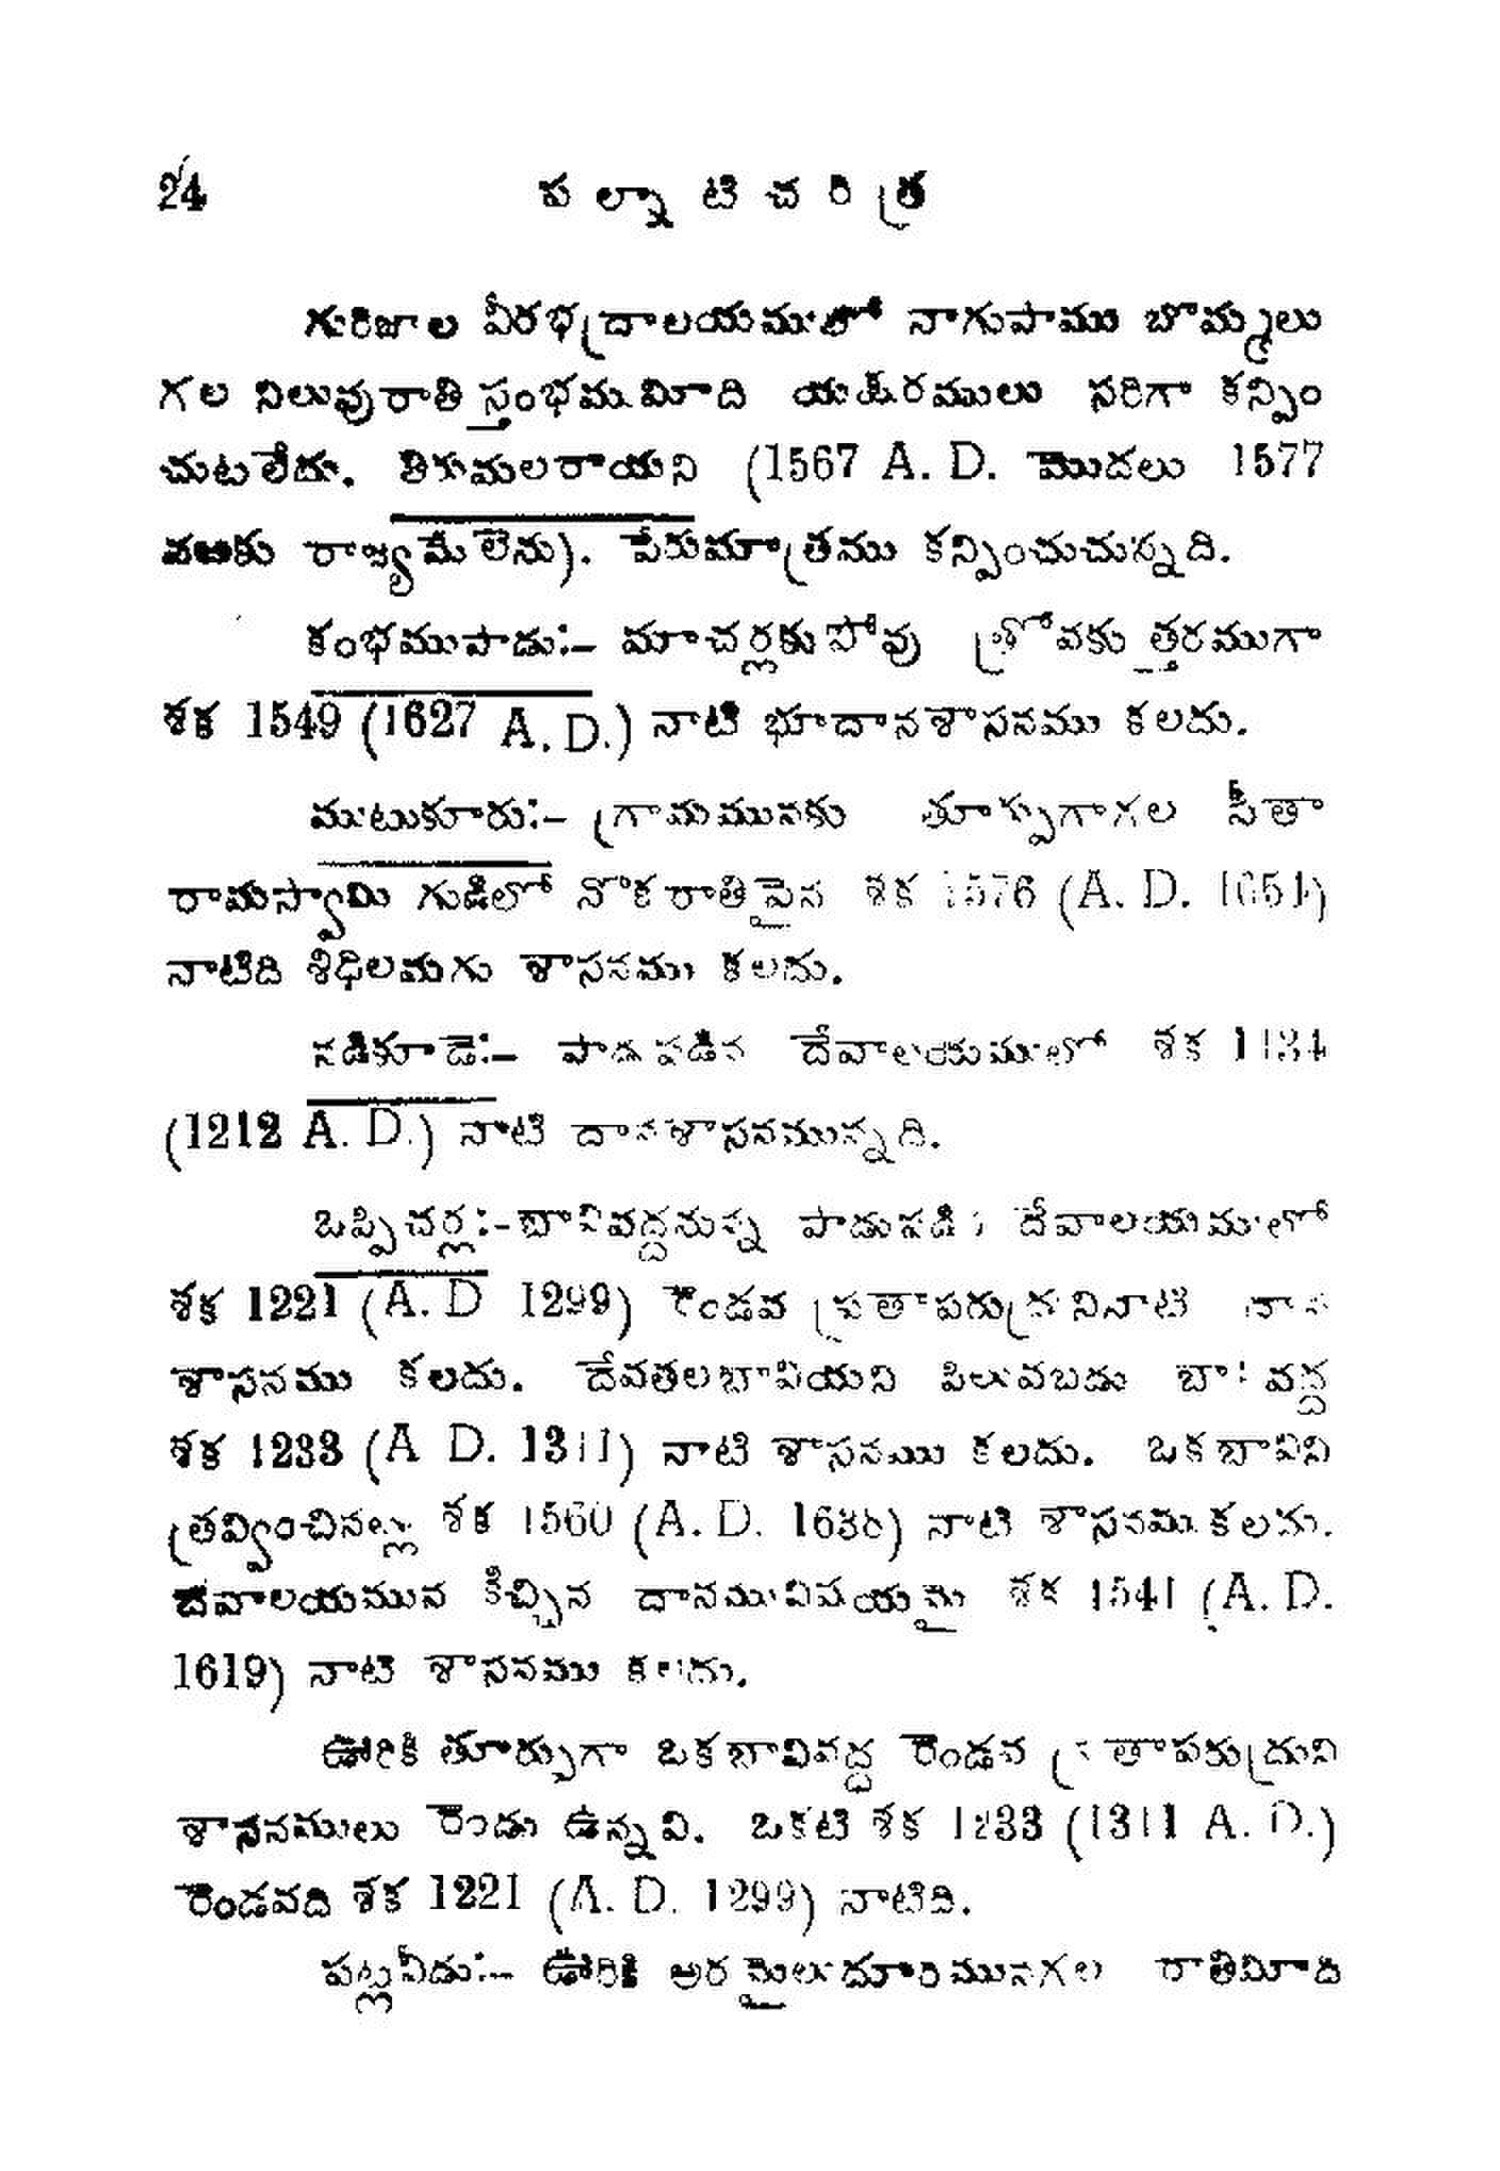గురిజాల వీరభద్రాలయములో నాగుపాము బొమ్మలు
గల నిలువు రాతి స్తంభము మీది యక్షరములు సరిగా 
కన్పించుటలేదు. తిరుమలరాయని (1567 A. D. మొదలు 1577
వఱకు రాజ్యమేలెను) పేరుమాత్రము కన్పించుచున్నది.

కంభముపాడు:— మాచర్లకు పోవు త్రోవకుత్తరముగా
శక 1549 (1627 A. D.) నాటి భూదానశాసనము కలదు.

ముటుకూరు:- గ్రామమునకు తూర్పుగాగల సీతారామస్వామి 
గుడిలో నొక రాతిపైన శక 1576 (A. D. 1654)
నాటిది శిధిలమగు శాసనము కలదు.

నడికూడె:- పాడుపడిన దేవాలయములో శక 1134
(1212 A. D.) నాటి దానశాసనమున్నది.

ఒప్పిచర్ల :- బావి వద్దనున్న పాడుపడిన దేవాలయములో
శక 1221 (A. D 1299) రెండవ ప్రతాపరుద్రునినాటి
శాసనము కలదు. దేవతలబావియని పిలువబడు బావి వద్ద
శక 1233 (A D. 1311) నాటి శాసనము కలదు. ఒక బావిని
త్రవ్వించినట్లు శక 1560 (A. D. 1638) నాటి శాసనము కలదు.
దేవాలయమున కిచ్చిన దానము విషయమై శక 1541 
(A.D.1619) నాటి శాసనము కలదు.

ఊరికి తూర్పుగా ఒక బావి వద్ద రెండవ ప్రతాపరుద్రుని
శాసనములు రెండు ఉన్నవి. ఒకటి శక 1233 (1311 A. D.)
రెండవది శక 1221 (A.D. 1299) నాటిది.

పట్లవీడు:- ఊరికి అరమైలు దూరమునగల రాతిమీది